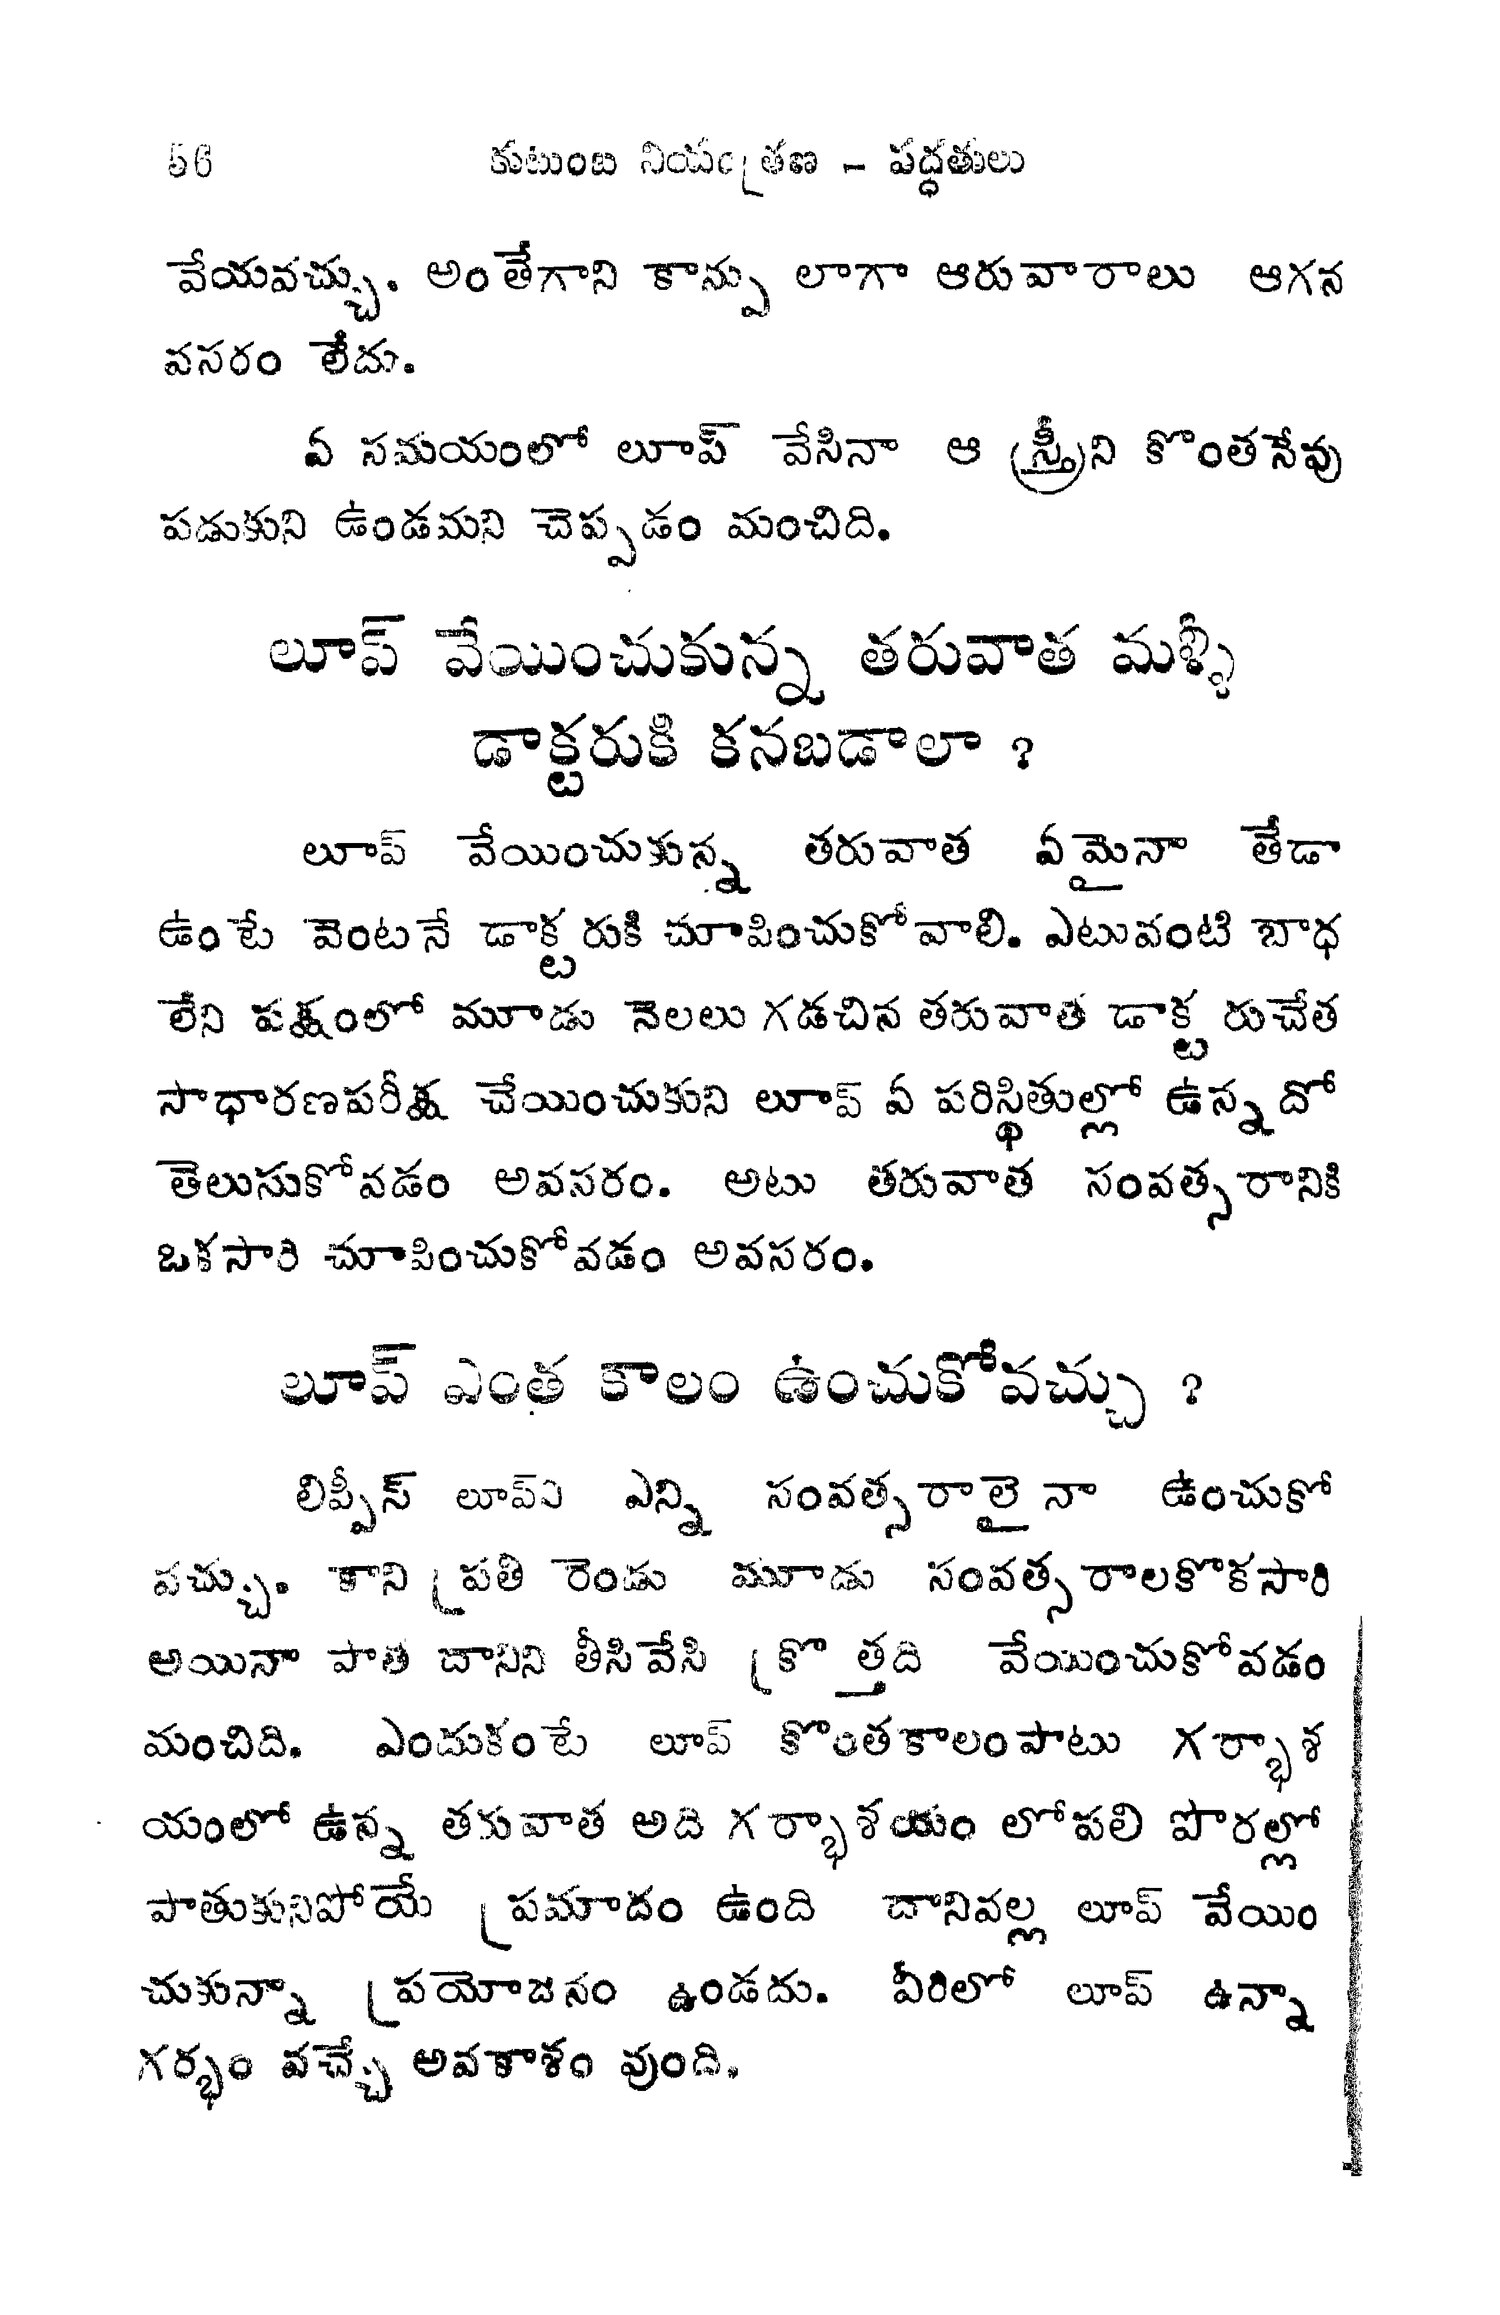వేయవచ్చు. అంతేగాని కాన్పు లాగా ఆరువారాలు ఆగనవసరం లేదు.

ఏ సమయంలో లూప్ వేసినా ఆ స్త్రీని కొంతసేపు పడుకుని ఉండమని చెప్పడం మంచిది.

లూప్ వేయించుకున్న తరువాత ఏమైనా తేడా ఉంటే వెంటనే డాక్టరుకి చూపించుకోవాలి. ఎటువంటి బాధ లేని పక్షంలో మూడు నెలలు గడచిన తరువాత డాక్టరుచేత సాధారణపరీక్ష చేయించుకుని లూప్ ఏ పరిస్థితుల్లో ఉన్నదో తెలుసుకోవడం అవసరం. అటు తరువాత సంవత్సరానికి ఒకసారి చూపించుకోవడం అవసరం.

లిప్పీస్ లూప్‌ని ఎన్ని సంవత్సరాలైనా ఉంచుకోవచ్చు. కాని ప్రతి రెండు మూడు సంవత్సరాలకొకసారి అయినా పాత దానిని తీసివేసి క్రొత్తది వేయించుకోవడం మంచిచి. ఎందుకంటే లూప్ కొంతకాలంపాటు గర్భాశయంలో ఉన్న తరువాత అది గర్భాశయం లోపలి పొరల్లో పాతుకునిపోయే ప్రమాదం ఉంది దానివల్ల లూప్ వేయించుకున్నా ప్రయోజనం ఉండదు. వీరిలో లూప్ ఉన్నా గర్భం వచ్చే అవకాశం వుంది.